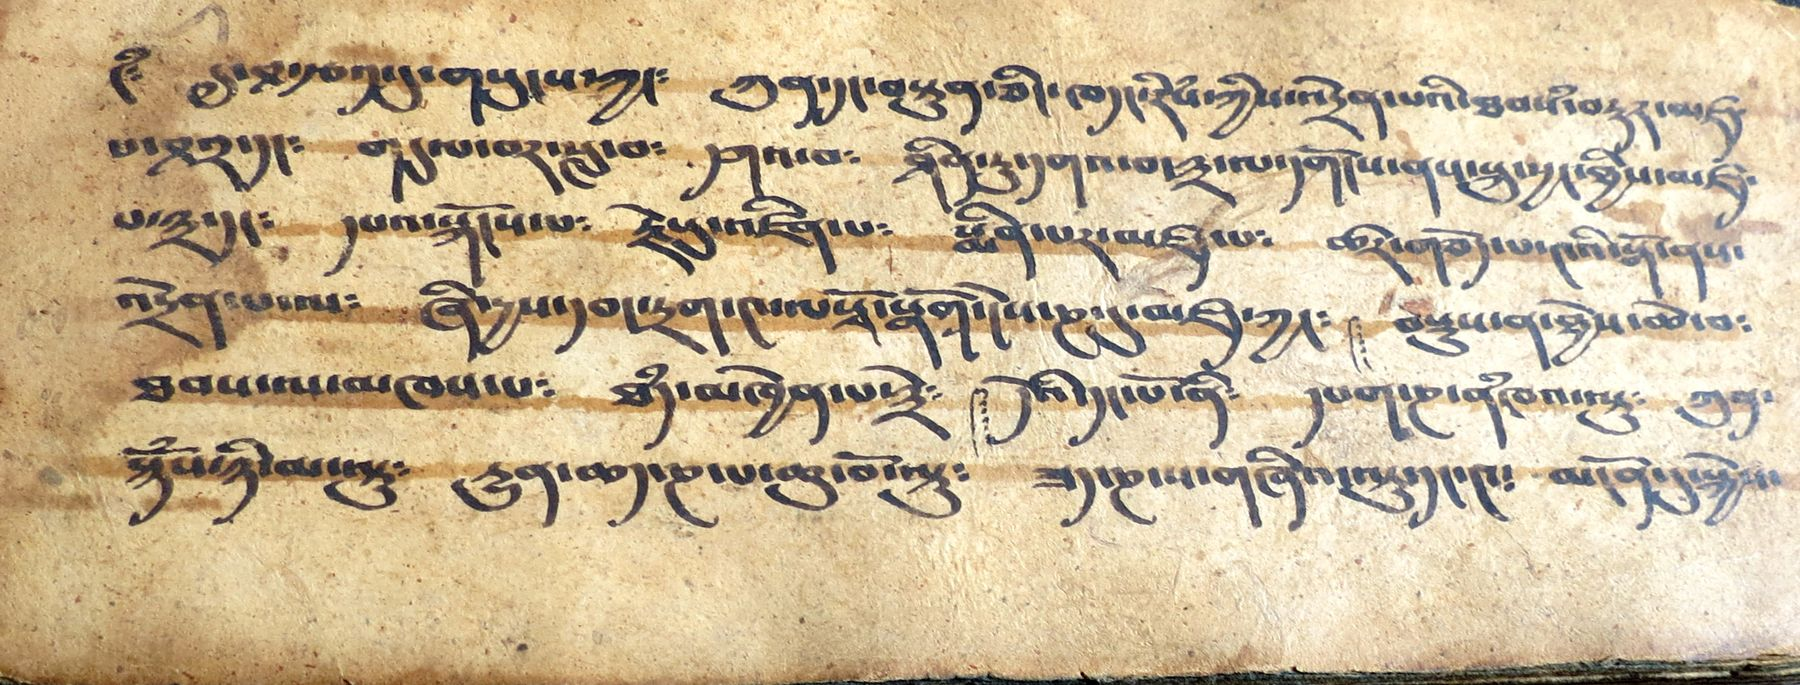དྲུག་ཅུ་རྩ་གཅིག་ཏུ་གསུངས་ཀྱང་། ཀུན་དང་བསྟུན་ཞིང་། ཁད་དང་རིམ་གྱིས་འདྲེན་པའི་ཐབས་སམ་བརྡར། མཛད་
པ་བཅུ་གཉིས་དང་། གདུལ་བར་སླ་བ། དཀའ་བ། ཤིན་ཏུ་དཀའ་བ་གསུམ་ལ་དགོངས་ནས། སྐུ་གསུང་ཐུགས་ཀྱིས་མཛད་
པ་གསུམ་དང་། དཔའ་སྐོང་བ། རྗེས་སུ་འཛིན་པ། སྨིན་པར་བྱེད། ཚར་གཅོད་པ་བཞིའི་སྒོ་ནས་
འདྲེན་པ་ལ། ཞི་རྒྱས་དབང་དྲག་བཞི་ལས་སོགས། སྣ་ཚོགས་ངེས་མེད་དུ་མཛད་ཀྱང་། བསྡུས་ན་ཐུགས་རྗེ་ཆེ་བ། 
ཐབས་ལ་མཁས་པ། ཐམས་ཅད་མཁྱེན་པ་གསུམ་སྟེ། དེའི་དང་པོ་ནི། དཔག་མེད་ནམ་མཁའ་ལྟ་བུ། ཀུན་
སྙོམས་ཉི་མ་ལྟ་བུ། རྒྱུན་མེད་ཆུ་བོ་ལྟ་བུ། ཟག་མེད་ས་གཞི་ལྟ་བུ་དང་བཞི་མངོན་དུ་སྐྱེས་